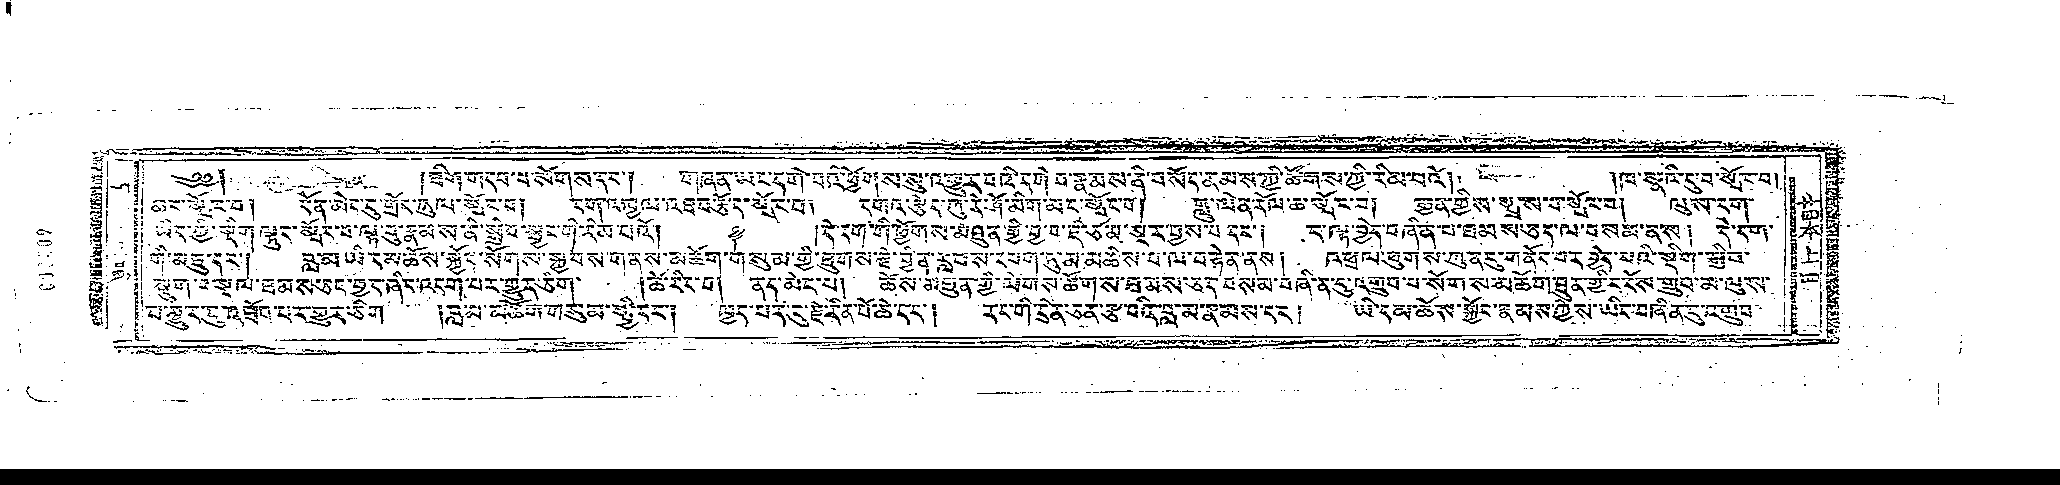༄༅། །ཐིག་གདབ་པ་སོགས་དང་། གཞན་ཡང་དགེ་བའི་ཕྱོགས་སུ་འགྱུར་བའི་དགེ་བ་རྣམས་ནི་བསོད་ནམས་ཀྱི་ཚོགས་ཀྱི་རིམ་པའོ། །ཁ་སྣའི་དུ་བ་སྤོང་བ།
ཆང་སྤོང་བ། དོན་མེད་དུ་གྲོང་ཉུལ་སྤོང་བ། དག་འཁྱལ་འཐབ་རྩོད་སྤོང་བ། དགའ་རྩེད་ཀུ་རེ་ཤོ་མིག་མང་སྤོང་བ། གླུ་ལེན་རོལ་ཆ་སྤོང་བ། རྒྱན་གྱིས་སྤྲས་པ་སྤོང་བ། ལུས་ངག་
ཡིད་ཀྱི་སྡིག་ལྟུང་སྤོང་བ་ལྟ་བུ་རྣམས་ནི་སྒྲིབ་སྦྱང་གི་རིམ་པའོ། ༈ །དེ་དག་གི་ཕྱོགས་མཐུན་རྒྱི་བྱ་བ་ཇི་ཙམ་སྔར་བྱས་པ་དང་། ད་ལྟ་བྱེད་བཞིན་པ་ཐམས་ཅད་ལ་བསམ་ནས། དེ་དག་
གིས་བུ་དང་། བླ་མ་ཡི་དམ་ཆོས་སྐྱོང་སོགས་སྐྱབས་གནས་མཆོག་གསུམ་གྱི་ཐུགས་རྗེ་བྱིན་རླབས་དཔག་ཏུ་མ་མཆིས་པ་ལ་བརྟེན་ནས། འཕྲལ་ཕུགས་ཀུན་དུ་གནོད་པར་བྱེད་པའི་སྡིག་སྒྲིབ་
སྡུག་བསྔལ་ཐམས་ཅད་བྱང་ཞིང་འདག་པར་གྱུར་ཅིག །ཚེ་རིང་པ། །ནད་མེད་པ། ཆོས་མཐུན་གྱི་ལེགས་ཚོགས་ཐམས་ཅད་བསམ་བཞིན་དུ་འགྲུབ་བ་སོགས་མཆོག་ཐུན་གྱི་དངོས་གྲུབ་མ་ལུས་
??་ཐོབ་པར་གྱུར་ཅིག །བླ་མ་མཆོག་གསུམ་སྤྱི་དང་། ཁྱད་པར་དུ་རྗེ་རིན་པོ་ཆེ་དང་། རང་གི་དྲིན་ཅན་རྩ་བའི་བླ་མ་རྣམས་དང་། ཡི་དམ་ཆོས་སྐྱོང་རྣམས་གྱིས་ཡིད་བཞིན་དུ་འགྲུབ་